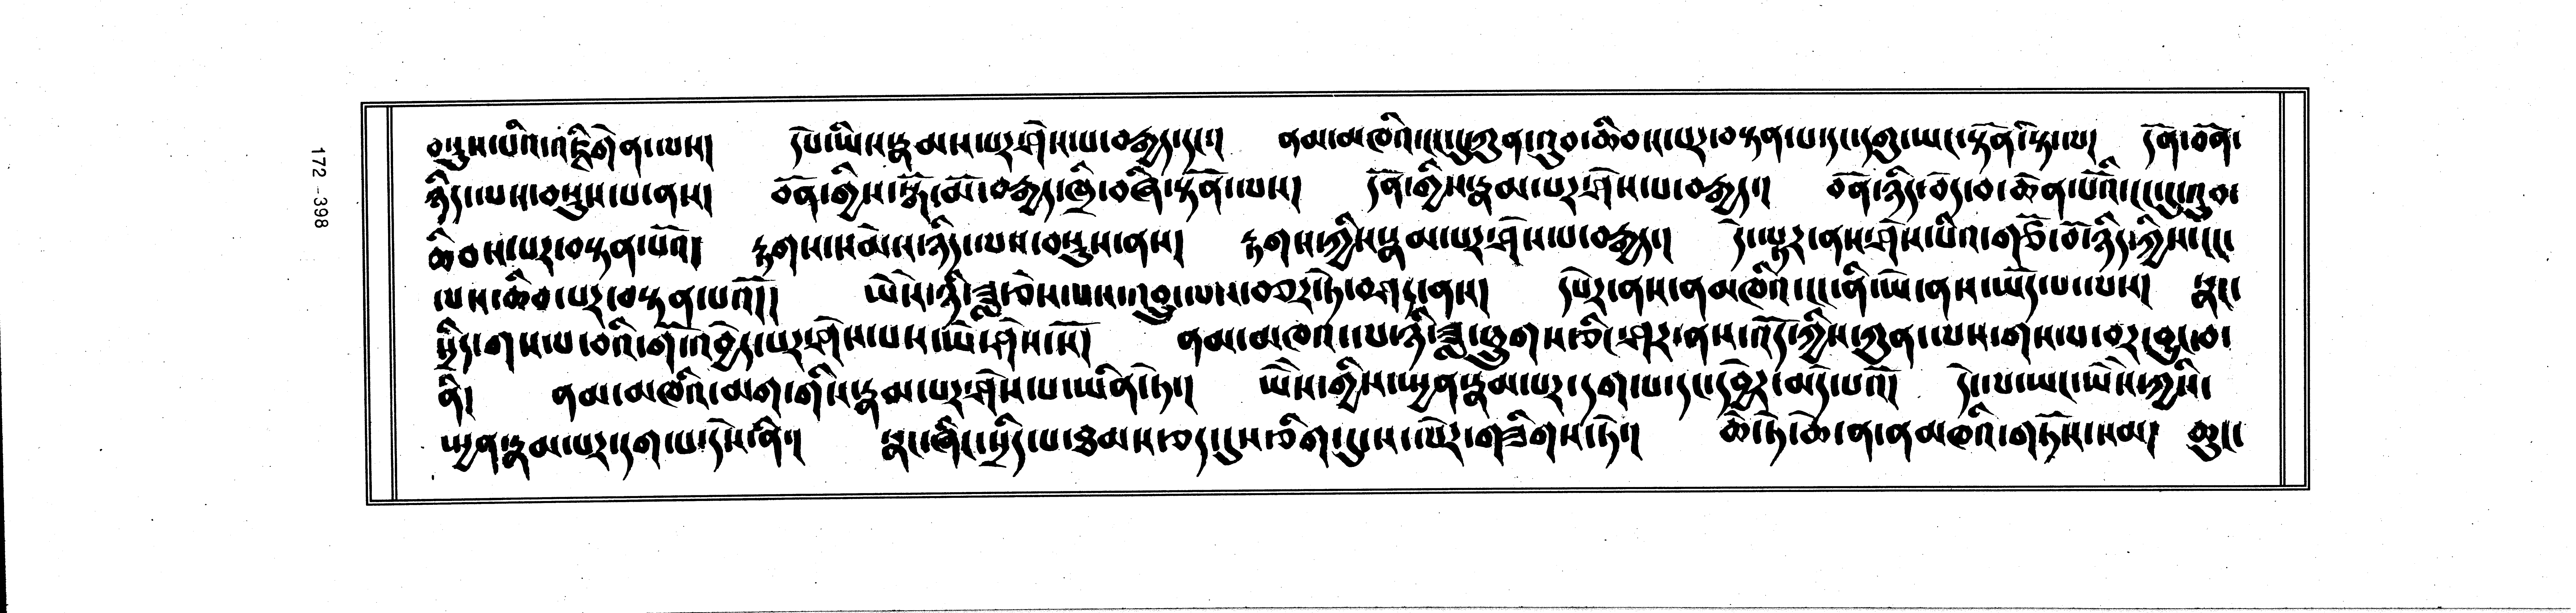བསྡུས་པའི་འཇིག་རྟེན་ལས། དཔེ་ཡིས་རྣམ་པར་ཤེས་པ་བརྒྱད་དང་། ནམ་མཁའི་ངང་དུ་ཀུན་འུབ་ཆིབས་པར་བསྟན་པ་དང་དགུ་ཡང་སྟོན་ལ། དོན་བོན་
ཉིད་ལས་བསྡུས་པ་ནས། བོན་གྱིས་སྒོ་མོ་བརྒྱད་ཁྲི་བཞི་སྟོན་ལས། དོན་གྱིས་རྣམ་པར་ཤེས་པ་བརྒྱད། བོན་ཉིད་བདེ་བ་ཆེན་པོའི་ངང་དུ་འུབ་
ཆིབས་པར་བསྟན་པའོ། རྟགས་སེམས་ཉིད་ལས་བསྡུས་ནས། རྟགས་ཀྱིས་རྣམ་པར་ཤེས་པ་བརྒྱད། དེ་ལྟར་ནས་ཤེས་པའི་གཙོ་བོ་ཉིད་ཀྱིས་ངང་
ལས་ཆིབ་པར་བསྟན་པའོ། ཡེ་ཤེས་ཉི་ཟླ་ཅེས་པས་འབྲུ་ལས་བཅར་ཏེ་བཤད་ནས། དཔེར་ན་ནམ་མཁའི་ངང་ནི་ཡེ་ནས་ཡོད་པ་ལས། སྣང་
སྲིད་གསལ་བའི་གོ་འབྱེད་པར་ཤེས་པས་ཡེ་ཤེས་སོ། ནམ་མཁའ་ལ་ཉི་ཟླ་ཕྲུགས་ཅིང་ཤར་ནས་འོད་ཀྱིས་ཀུན་ལས་གསལ་བར་བྱུང་བ་
ནི། ནམ་མཁའི་མིག་གིས་རྣམ་པར་ཤེས་པ་ཡིན་ཏེ། ཡེ་ཤེས་གྱིས་སྤྱན་རྣམ་པར་དག་པ་དང་དབྱེར་མེད་པའོ། དེ་ལ་ཡང་ཡེ་ཤེས་ཀྱིས་
སྤྱན་རྣམ་པར་དག་པ་དེས་ནི། སྣང་ཞིང་སྲིད་པ་ཐམས་ཅད་དུས་ཅིག་དུ་ས་ལེར་གཟིགས་ཏེ། ཆེ་ཏེ་ཆེ་ན་ནམ་མཁའི་གཏོས་སམ། ཆུང་